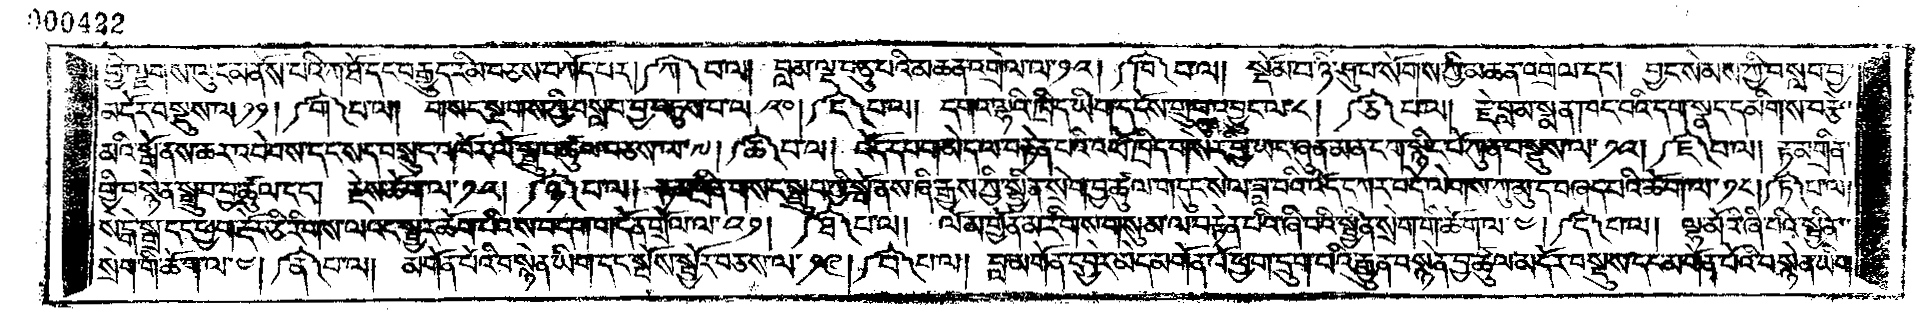གྱི་ལྗགས་ལུང་མནོས་པའི་ཀ་ཐོ་དང་བརྒྱུད་རིམ་བཅས་བཀོད་པར། ༼ཀ༽ པ་ལ། བླ་མ་ལྔ་བཅུ་པའི་མཚན་འགྲེལ་ལ༡༢། ༼ཁ༽ པ་ལ། སྡོམ་པ་ཉི་ཤུ་པ་སོགས་ཀྱི་མཚན་འགྲེལ་དང་། བྱང་སེམས་ཀྱི་བསླབ་བྱ་
མདོར་བསྡུས་ལ ༡༡། ༼ག༽ པ་ལ། གསང་སྔགས་ཀྱི་བསླབ་བྱ་བཏུས་པ་ལ ༢༠། ༼ང༽ པ་ལ། དགའ་ལྷའི་ཁྲིད་ཡིག་དངོས་གྲུབ་ཀུན་འབྱུང་ལ༨། ༼ཅ༽ པ་ལ། རྗེ་བླ་མ་སྨན་ཁང་བའི་དག་སྣང་དམིགས་བརྩེ་
མའི་སྒོ་ནས་ཆར་འབེབས་དང་སད་བསྲུང་འཁོར་ལོ་སྒྲུབ་ཚུལ་བཅས་ལ༧། ༼ཆ༽ པ་ལ། འོད་དཔག་མེད་ལ་བརྟེན་པའི་འཕོ་ཁྲིད་གསེར་གྱི་ཡང་ཞུན་མན་ངག་སྙིང་པོ་ཀུན་བསྡུས་ལ ༡༢། ༼ཇ༽ པ་ལ། རྟ་མགྲིན་
གྱི་བསྙེན་སྒྲུབ་བྱ་ཚུལ་དང་། རྗེས་ཆོག་ལ༡༢། ༼ཉ༽ པ་ལ། རྟ་མགྲིན་གསང་སྒྲུབ་ཀྱི་སྒོ་ནས་ཞི་རྒྱས་ཀྱི་སྦྱིན་སྲེག་བྱ་ཚུལ་གདུང་སེལ་ཟླ་བའི་འོད་དཀར་བདེ་ལེགས་ཀུ་མུ་ད་བཞད་པའི་ཆོ་ག་ལ ༡༨། ༼ཏ༽ པ་ལ།
སེངྒེ་སྒྲ་དང་ཕྱག་རྡོར་ཅི་རིགས་ལའང་སྦྱར་ཆོག་པའི་ས་བདག་གདོན་གྲོལ་ལ ༢༡། ༼ཐ༽ པ་ལ། ལོ་མ་གྱོན་མ་རིགས་གསུམ་ལ་བརྟེན་པའི་ཞི་བའི་སྦྱིན་སྲེག་གི་ཆོ་ག་ལ ༤། ༼ད༽ པ་ལ། ལྷ་མོའི་ཞི་པའི་སྦྱིན་
སྲེག་གི་ཆོ་ག་ལ ༤། ༼ན༽ པ་ལ། མགོན་པོའི་བསྙེན་ཡིག་དང་སྤོས་སྦྱོར་བཅས་ལ ༡༩། ༼བ༽ པ་ལ་བླ་མགོན་དབྱེར་མེད་མགོན་པོ་ཕྱག་དྲུག་པའི་རྒྱུན་བསྙེན་བྱ་ཚུལ་མདོར་བསྡུས་དན་མགོན་པོའི་བསྙེན་ཡི་